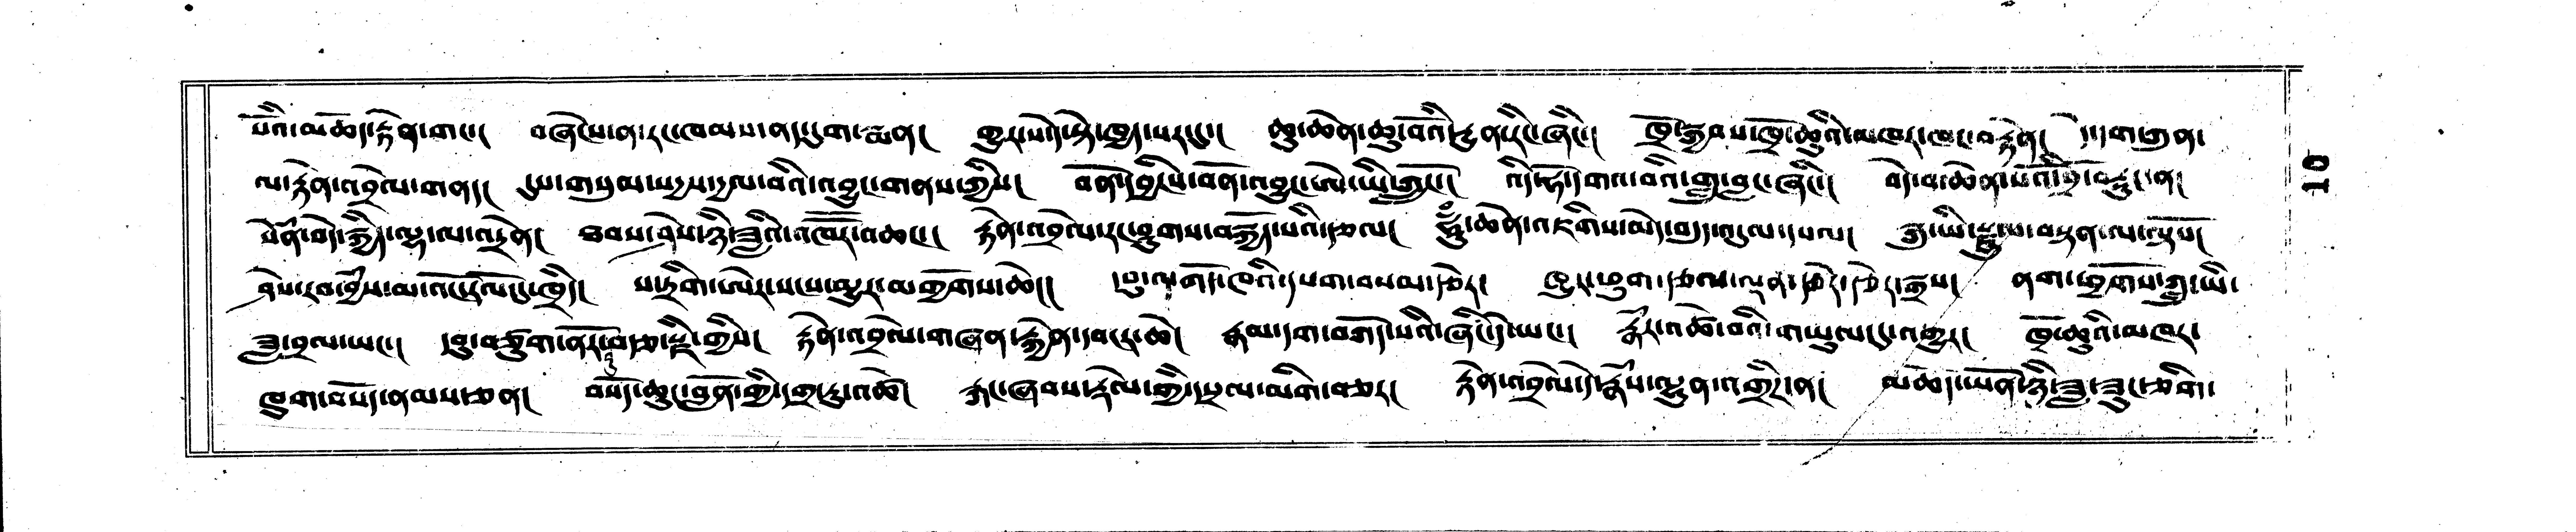པོའི་མཆོད་རྟེན་གང་། བཞེངས་ན་རང་ཁམས་ནད་དུག་སྨན། གྱུར་པ་དེ་སྟེ་ཁྱད་པར་དུ། ཆུ་ཆེན་ཆུ་བོའི་རྒྱུན་རིང་ཞིང་། ཁྲོ་སྐྱབས་ཁྲོ་ཆུའི་མཁར་ཁང་བརྟེན། དེ་དག་ཀུན་
ལ་རྟེན་འབྲེལ་གནད། དུས་གསུམ་སངས་རྒྱས་རྒྱལ་བའི་འབྱུང་གནས་ཀྱིས། བོན་དབྱིངས་བོན་འབྱུང་ཨེ་ཡི་ཀློང་། འདི་ཧོ་དགའ་བའི་གླུ་བླང་ཞིང་། བདེ་བ་ཆེན་པོའི་བློ་བརྡུང་ན།
 སེམས་ཅན་བདེ་སྐྱིད་ལྷ་ལ་འགྲན། ཐབས་ཤེས་ཉི་ཟླའི་འཁོར་ལོ་འཆང་། རྟེན་འབྲེལ་རང་ཤུགས་བསྐྱོད་པའི་རྩལ། ཧཱུཾ་ཆེན་འཇིགས་མེད་བདུད་འདུལ་དཔལ། སྐུ་ཡི་རྫུ་འཕྲུལ་བསྟན་ལ་ལྟོས། 
ཤེས་རབ་བྱམས་མ་འོང་རོལ་དུ་ཁྲིད། ས་ཏྲིག་ཨེར་སངས་མྱུར་མགྱོགས་ཆེ། དབུ་༼༽དཔག་བསམ་རྩེར། ཁྱུང་ཕྲུག་རྩལ་ལྡན་ཙིར་ཙིར་སྒྲས། ནག་ཕྱོགས་ཀླུ་ཡི་
ཟླ་བྲལ་ཡང་། དབུ་གཙུག་ནོར་བུ་རྩ་རྫི་གྱིས། རྟེན་འབྲེལ་གཞན་རྐྱེན་དབང་བསྒྱུར་ཆེ། རྣམ་དག་བཀོད་པའི་ཞིང་དེ་ཡང་། རྣམ་པར་འཚེ་བའི་གཡུལ་དུ་འགྱུར། ཁྲོ་ཆུའི་མཁར་
ཁུག་བསོད་ནམས་ཅན། བསོད་ཆུང་བློན་གྱི་དགྲ་རུ་འཚེ། རྐང་ཞབས་རྡེལ་གྱི་དཔྲལ་མིག་བཅར། རྟེན་འབྲེལ་དེ་རྣམས་ལྷུན་འགྲིགས་ན། མཆོད་ཡོན་ཉི་ཟླ་ཟུང་ཅིག་